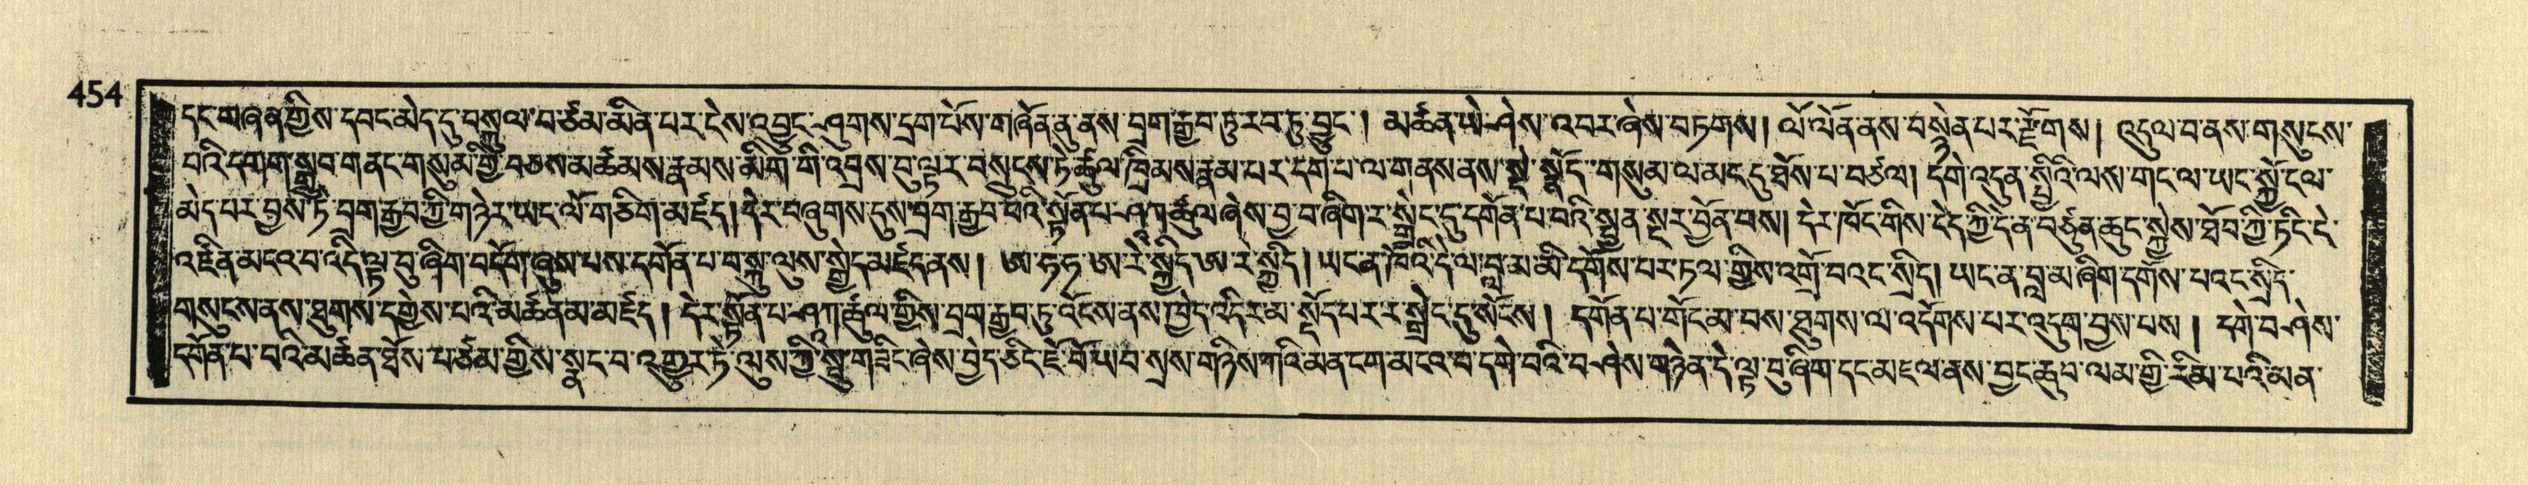དང་གཞན་གྱིས་དབང་མེད་དུ་བསྐུལ་བ་ཙམ་མིན་པར་ངེས་འབྱུང་ཤུགས་དྲག་པོས་གཞོན་ནུ་ནས་བྲག་རྒྱབ་ཏུ་རབ་ཏུ་བྱུང་། མཚན་ཡེ་ཤེས་འབར་ཞེས་བཏགས། ལོ་ལོན་ནས་བསྙེན་པར་རྫོགས། འདུལ་བ་ནས་གསུངས་
བའི་དགག་སྒྲུབ་གནང་གསུམ་གྱི་བཅས་མཚམས་རྣམས་མིག་གི་འབྲས་བུ་ལྟར་བསྲུངས་ཏེ་ཚུལ་ཁྲིམས་རྣམ་པར་དག་པ་ལ་གནས་ནས་སྡེ་སྣོད་གསུམ་ལ་མང་དུ་ཐོས་པ་བཙལ། དགེ་འདུན་སྤྱིའི་ལས་གང་ལ་ཡང་སྐྱོ་ངལ་
མེད་པར་བྱས་ཏེ་བྲག་རྒྱབ་ཀྱི་གཉེར་ཡང་ལོ་གཅིག་མཛད། དེར་བཞུགས་དུས་བྲག་རྒྱབ་པའི་སྟོན་པ་ཤཱཀ་ཚུལ་ཞེས་བྱ་བ་ཞིག་ར་སྒྲེང་དུ་དགོན་པ་བའི་སྤྱན་སྔར་བྱོན་པས། དེར་ཁོང་གིས་ངེད་ཀྱི་དེ་ན་བཙུན་ཆུང་སྐྱེས་ཐོབ་ཀྱི་ཏིང་ངེ་
འཛིན་མངའ་བ་འདི་ལྟ་བུ་ཞིག་བདོག་ཞུས་པས་དགོན་པ་བ་སྐུ་ལུས་སྒྱེད་མཛད་ནས། ཨ་ཧ་ཧ་ཨ་རེ་སྐྱིད་ཨ་ར་སྐྱིད། ཡང་ན་ཁོའི་དེ་ལ་བླ་མ་མི་དགོས་པར་ཏལ་གྱིས་འགྲོ་བའང་སྲིད། ཡང་ན་བླ་མ་ཞིག་དགོས་པའང་སྲིད་
གསུངས་ནས་ཐུགས་དགྱེས་པའི་མཚན་མ་མཛད། དེར་སྟོན་པ་ཤཱཀ་ཚུལ་གྱིས་བྲག་རྒྱབ་ཏུ་འོངས་ནས་ཁྱེད་འདིར་མ་སྡོད་པར་ར་སྒྲེང་དུ་སོངས། དགོན་པ་གོང་མ་བས་ཐུགས་ལ་འདོགས་པར་འདུག་བྱས་པས། དགེ་བཤེས་
དགོན་པ་བའི་མཚན་ཐོས་པ་ཙམ་གྱིས་སྣང་བ་འགྱུར་ཏེ་ལུས་ཀྱི་སྦུ་གཟིང་ཞེས་བྱེད་ཅིང་ཇོ་བོ་ཡབ་སྲས་གཉིས་ཀའི་མན་ངག་མངའ་བ་དགེ་བའི་བཤེས་གཉེན་དེ་ལྟ་བུ་ཞིག་དང་མཇལ་ནས་བྱང་ཆུབ་ལམ་གྱི་རིམ་པའི་མན་